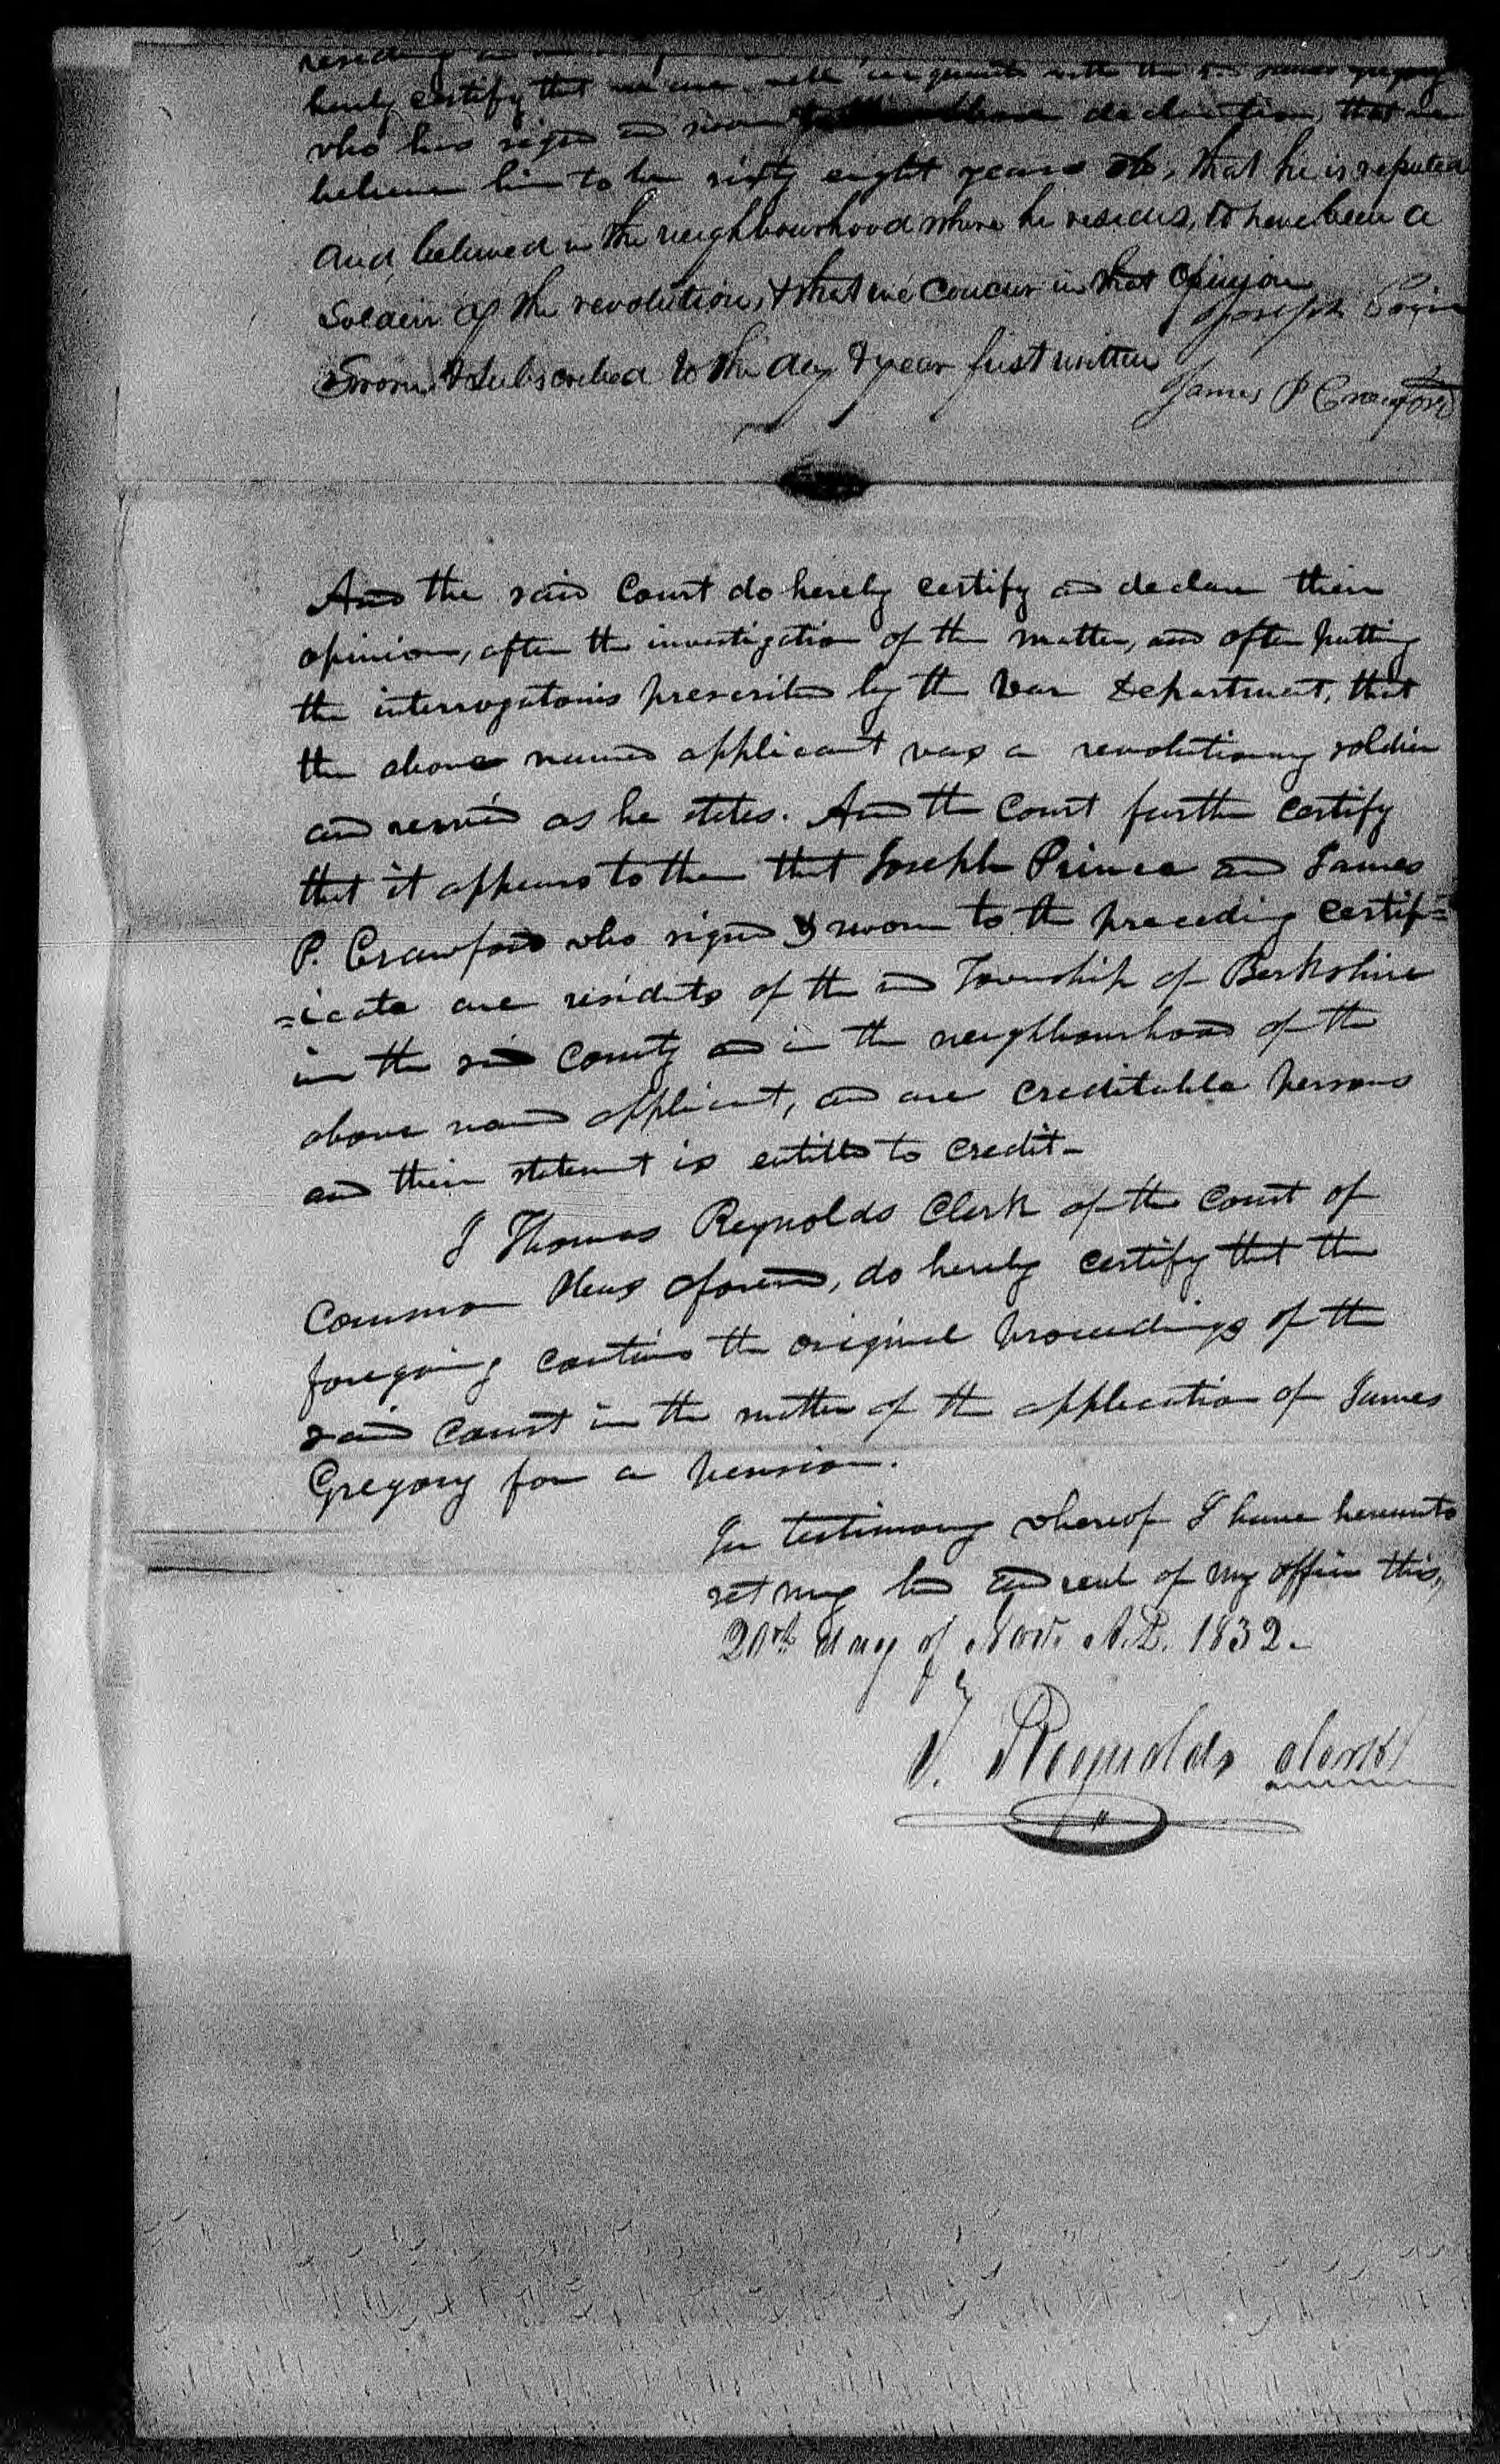hereby certify that we are well acquainted with the said James Gregory who has signed and sworn to the above declaration, that we believe him to be sixty  eight years old, that he is reputed and believed in the neighborhood where he resides, to have been a soldier of the revolution, & that we concur in that opinions.

Joseph Prince

Sworn & subscribed to the day & year first written.

James P Crawford

And the said Court do hereby certify and declare their opinion, after the investigation of the matter, and after putting the interrogatories prescribed by the War Department, that the above named applicant was a revolutionary soldier and served as he states. And the Court further certify that it appears to them that Joseph Prince and James P Crawford who signed & swore to the preceding certificate are residents of the said Township of Berkshire in the said county and in the neighborhood of the above named applicant, and are credible persons and their statement is entitled to credit.

I Thomas Reynolds Clerk of the Court of Common Pleas aforesaid, do hereby certify that the foregoing contains the original proceedings of the said Court in the matter of the application of James Gregory for a pension.

In testimony whereof I have hereunto set my hand and seal of my office this 20th day of Nov. AD 1832.

T Reynolds clerk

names: James P Crawford, Thomas Reynolds, T Reynolds, James Gregory, James P Crawford, Joseph Prince, Joseph Prince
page: 6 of 27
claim: survivor's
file: S. 17445, James Gregory, Conn.